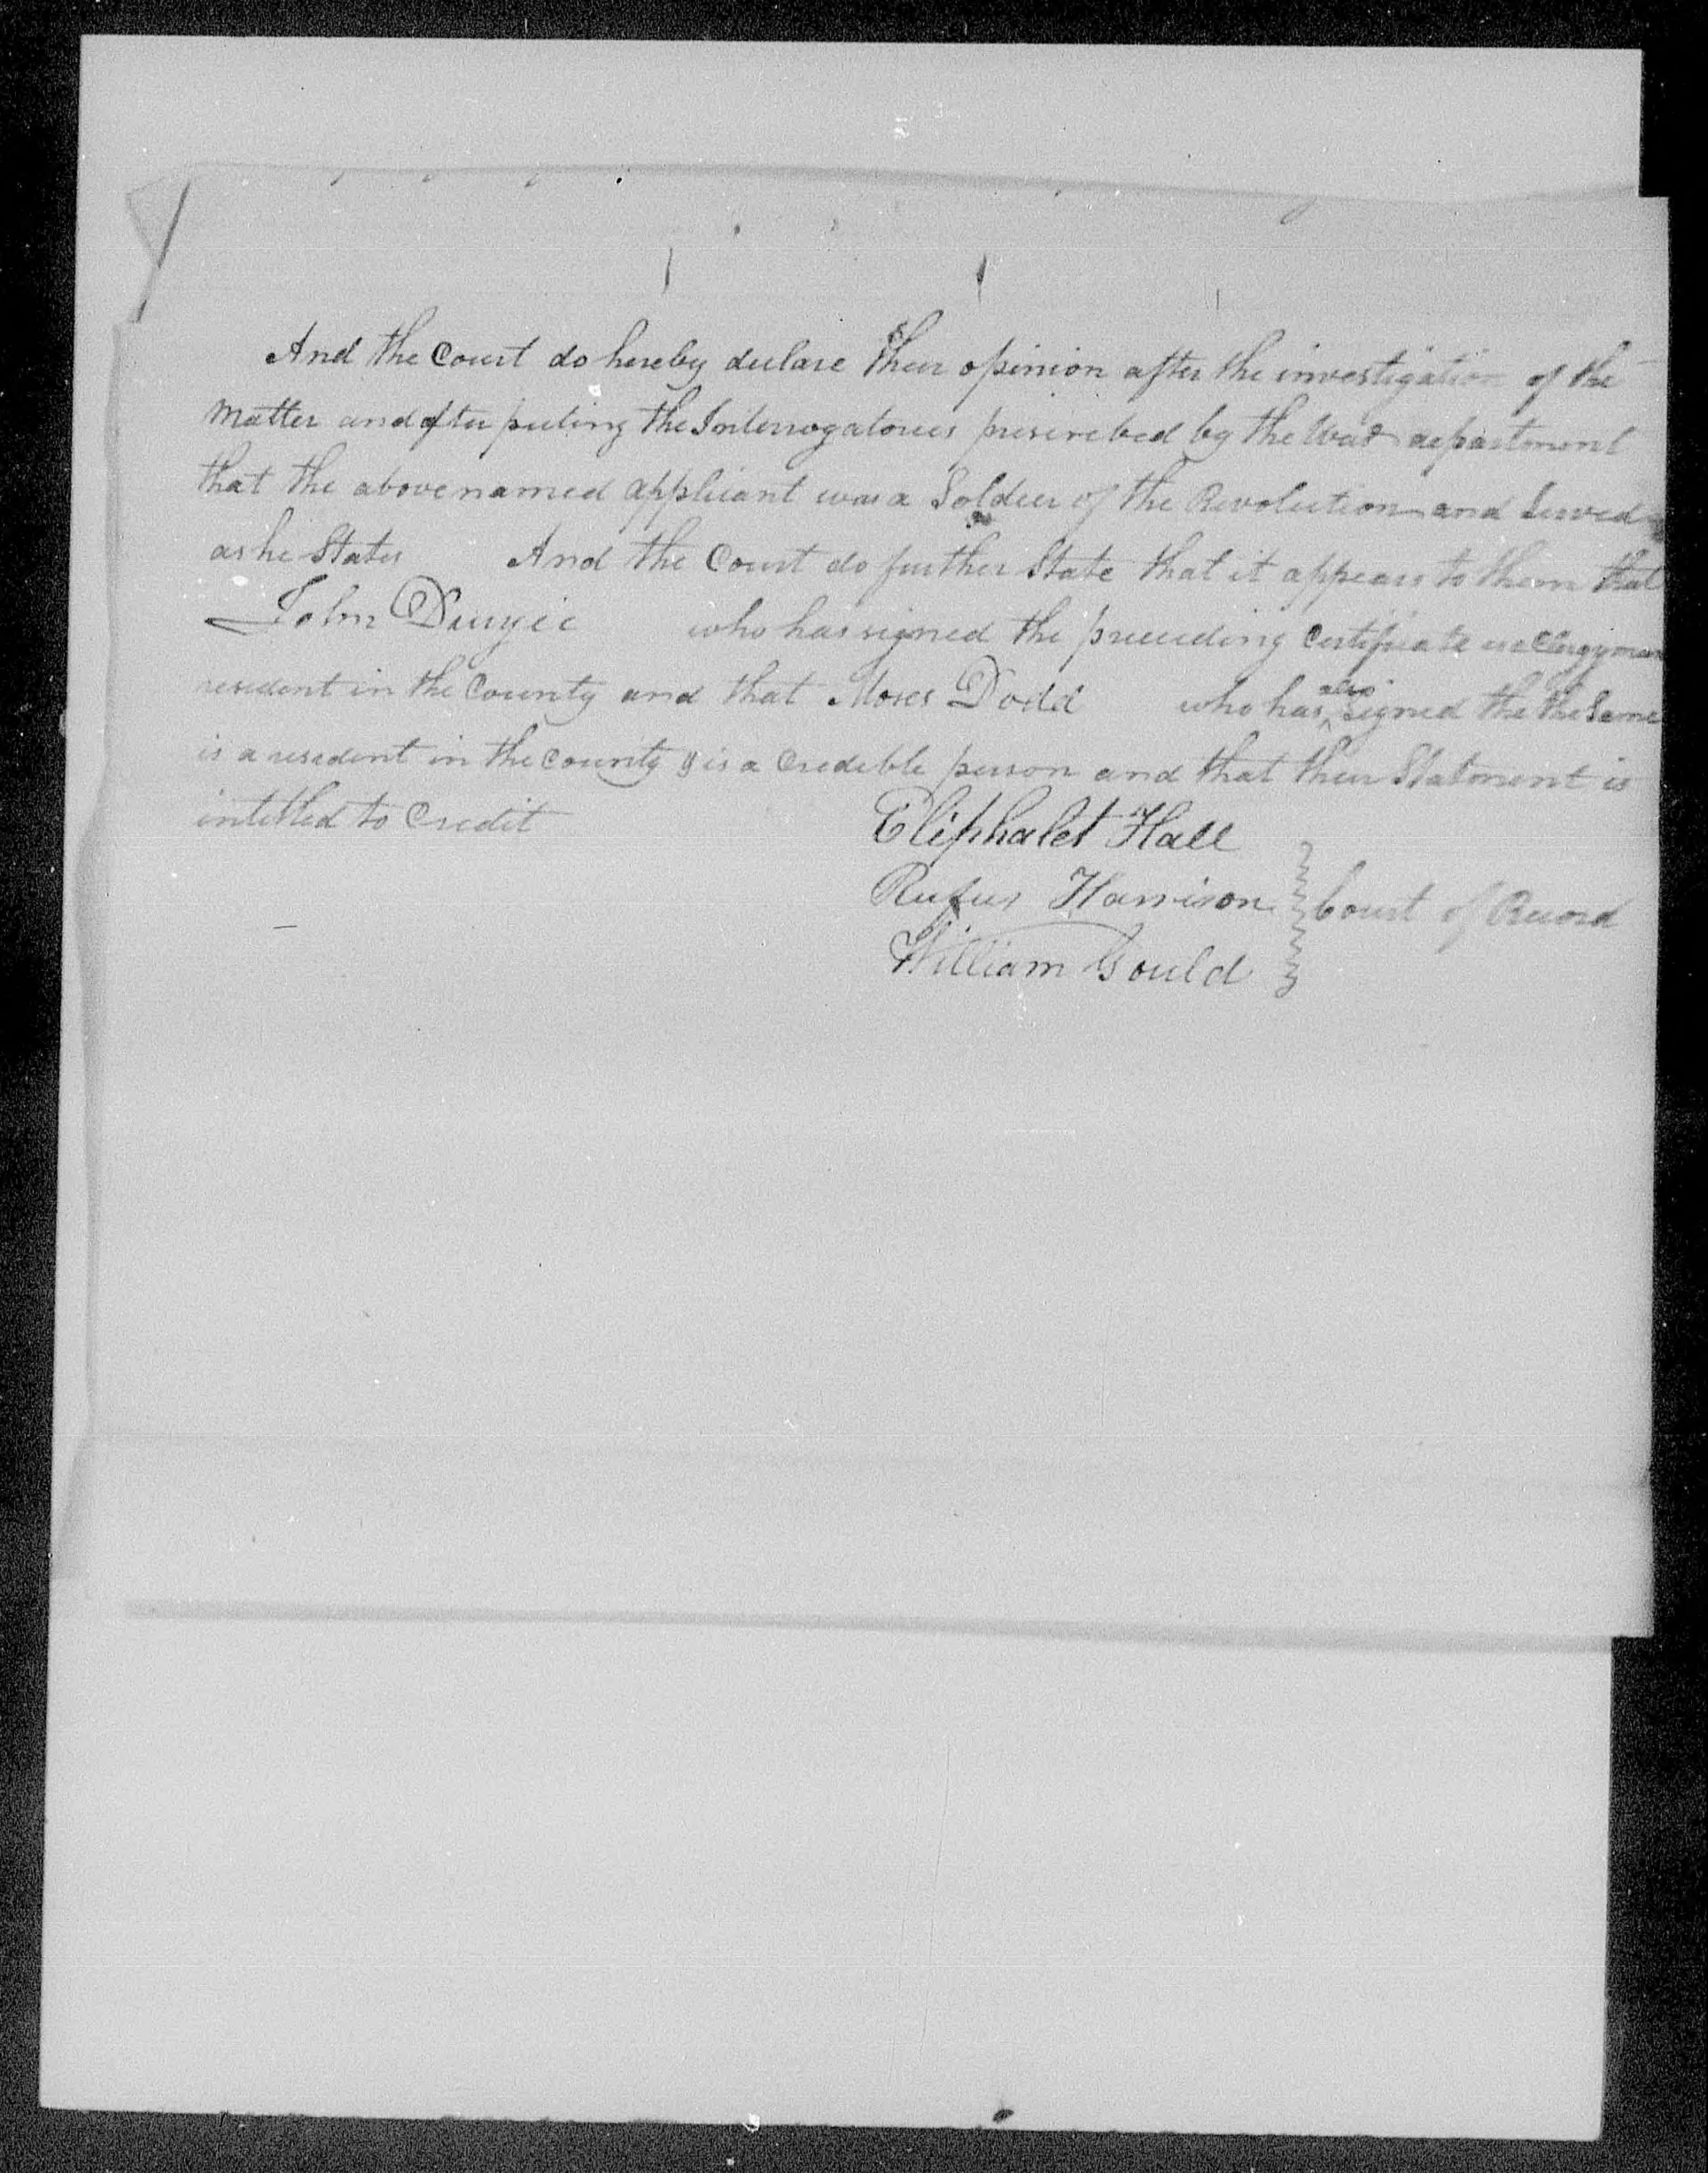And the court do hereby declare their opinion after the investiagetion of the

matter and often putting the Interrogatories prescribed by the War Department

that the above name applicant wa a Soldier of the Revolution and served

as he states              And the court do further state that it appears to them that

John Duryee who was signed the proceeding certificate as clergyman

resident in the county and that Moses Dodd who has also signed the  the same

is a residen in they county is a credible person and that there statement is

entitled to credit.

                                                              Eliphalet Hall

                                                               Rufus Harrison            Court of Record

                                                               William Gould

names: William Gould, Moses Dodd, John Duryee, Rufus Harrison, Eliphalet Hall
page: 8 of 32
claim: rejected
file: R. 2441, Aaron Crane, New Jersey